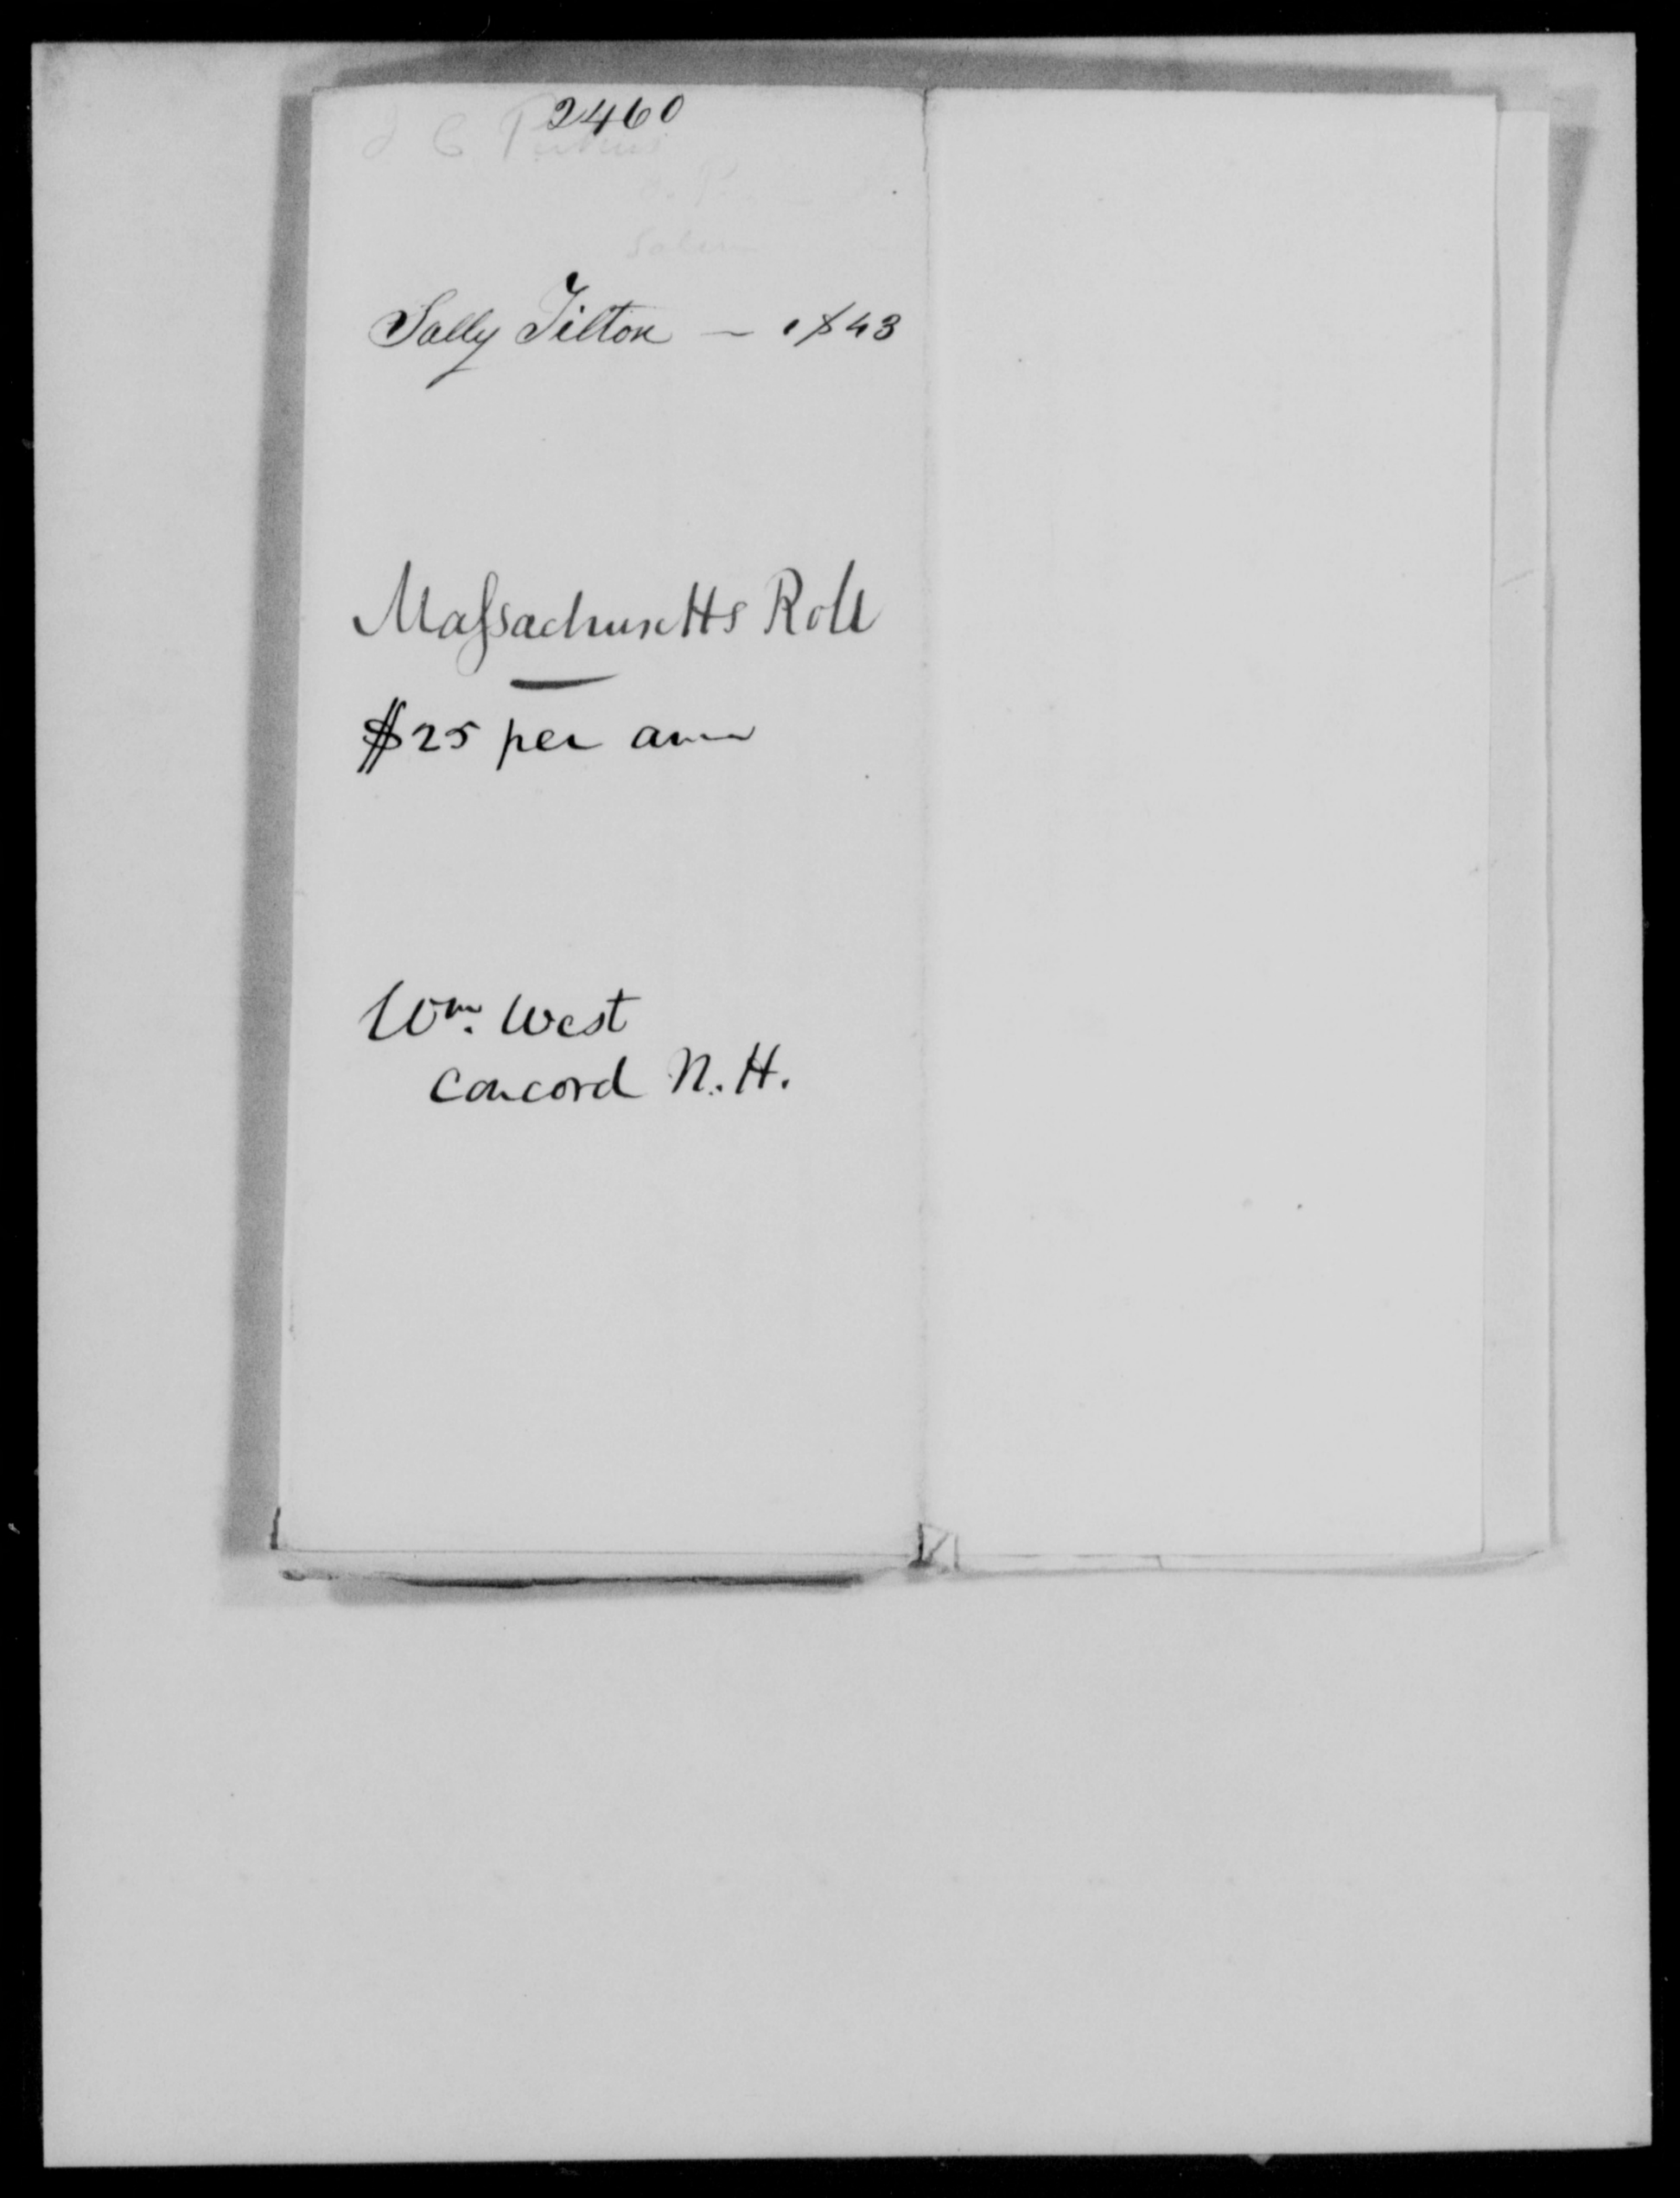J C Perkins
at P[illegible]
Salem

2460
Sally Tilton 1843
Massachusetts Roll
$25 per ann
Wm West 
Concord N. H.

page: 39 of 55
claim: widow's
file: W. 14,021, for Samuel Tilton, New Hampshire